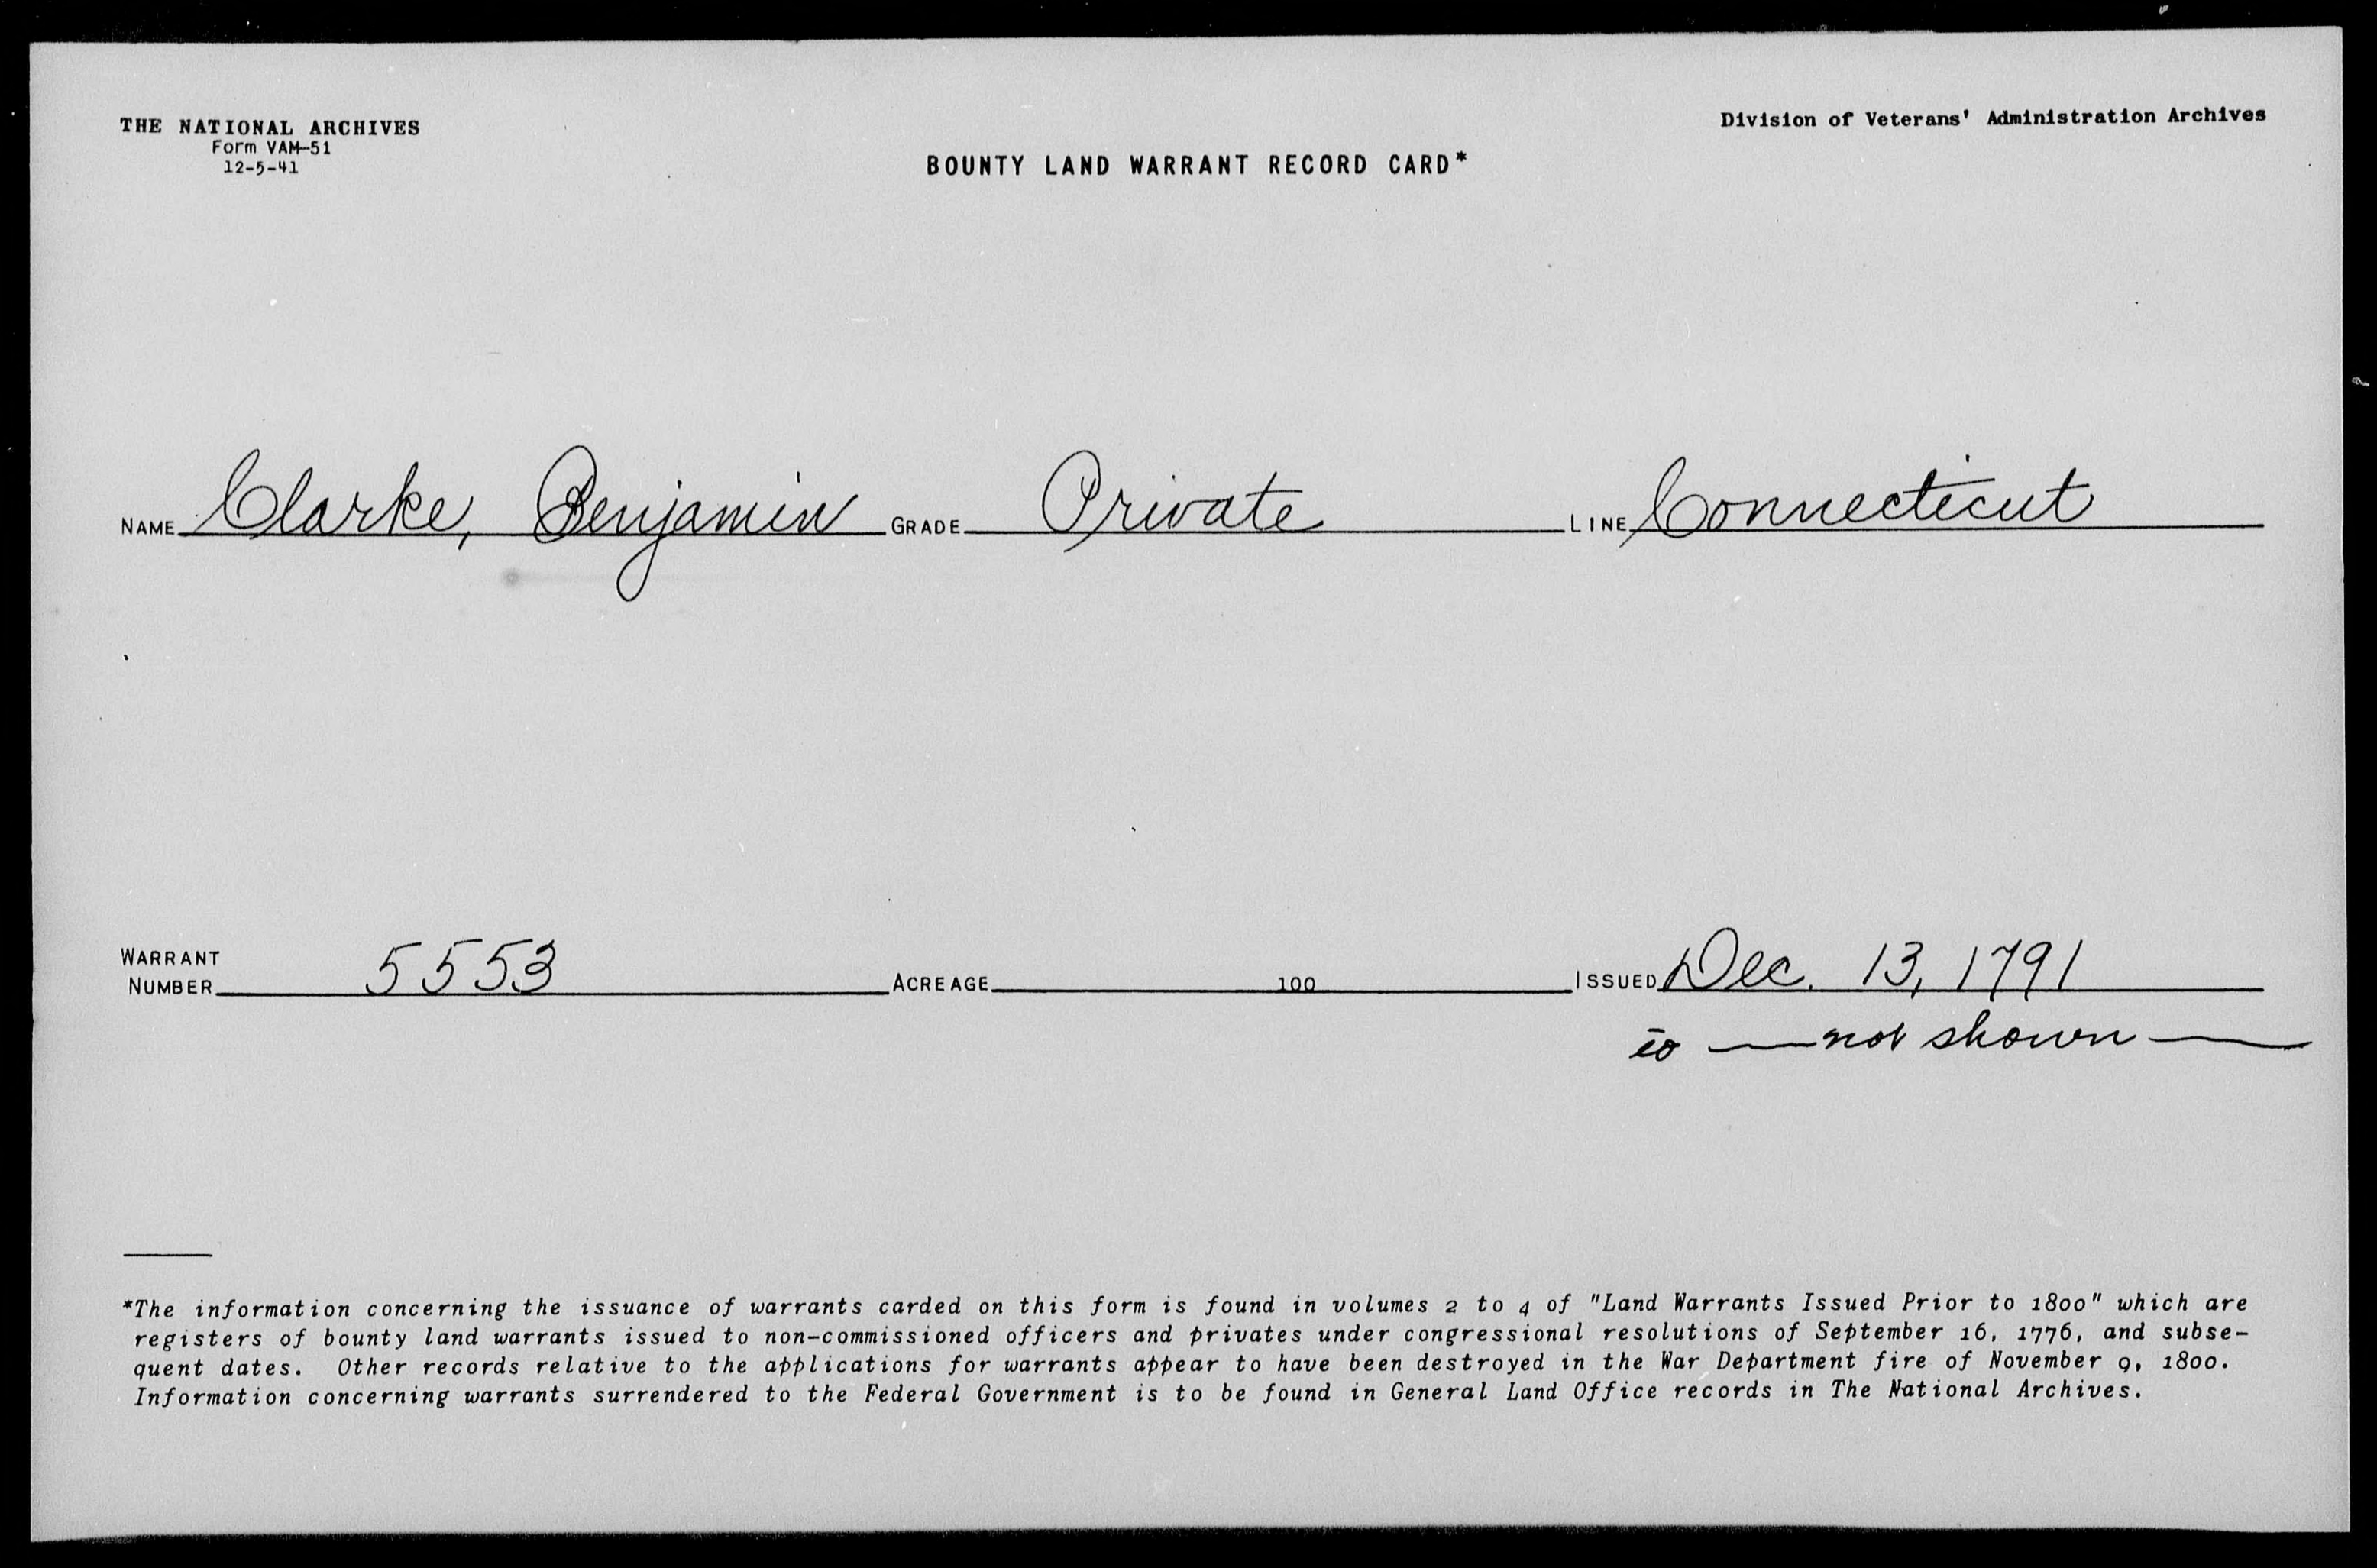The National Archives
Form VAN-51
12-3-41
Division of Veterans' Administration Archives
Bounty Land Warrant Record Card*
Name Clarke, Benjamin Grade Private Line Connecticut
Warrant Number 5553 Acreage 100 Issued Dec. 13, 1791 is not shown

*The information concerning the issuance of warrants carded on this form is found in volumes 2 to 4 of "Land Warrants Issued Prior to 1800" which are registers of bounty land warrants issued to non-commissioned officers and privates under congressional resolutions of September 16, 1776, and subsequent dates. Other records relative to the applications for warrants appear to have been destroyed in the War Department fire of November 9, 1800. Information concerning warrants surrendered to the Federal Government is to be found in General Land Office records in The National Archives.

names: Benjamin Clarke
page: 46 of 48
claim: widow's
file: W. 17,628, Arnold Clarke, R.I.